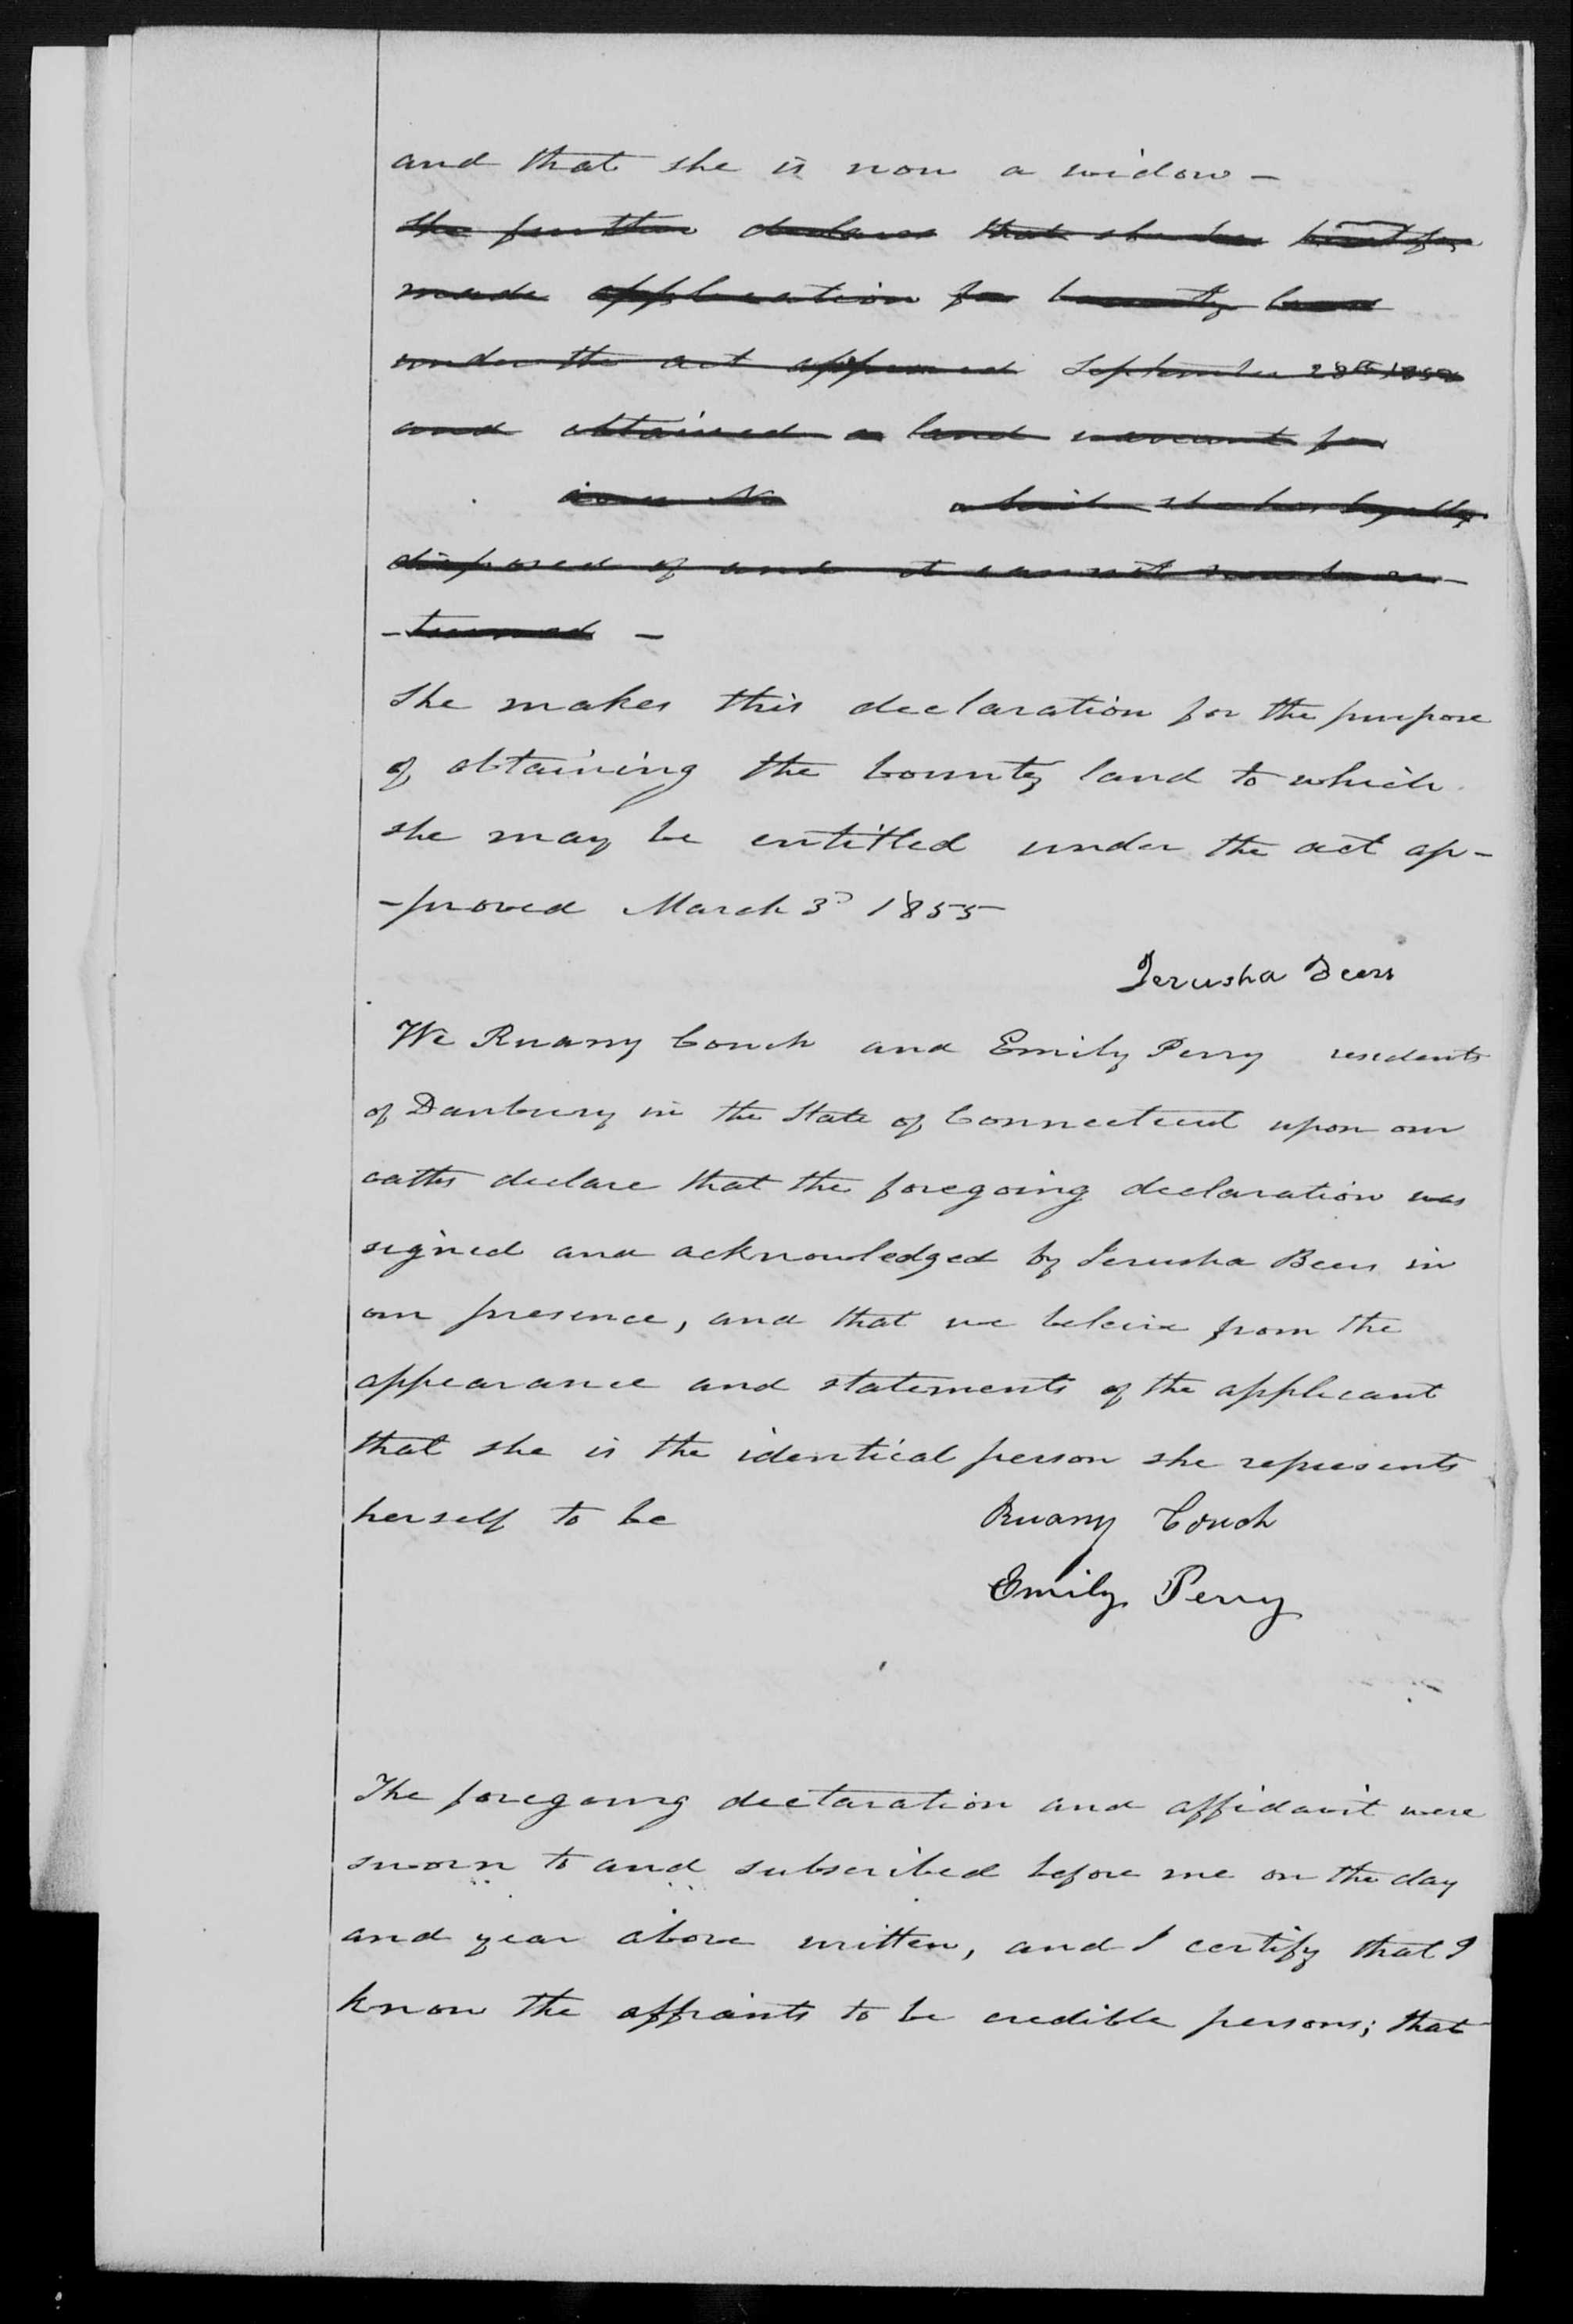and that she is now a widow -
[6 lines crossed out]
She makes this declaration for the purpose of obtaining the bounty land to which she may be entitled under the act approved March 3d 1855.
Jerusha Beers [signature]
We Ruany Couch and Emily Perry residents of Danbury in the State of Connecticut upon our
oaths declare that the foregoing declaration was signed and acknowledged by Jerusha Beers in our presence, and that we believe from the appearance and statements of the applicant that she is the identical person she represents herself to be.
Ruany Couch
Emily Perry

The foregoing declaration and affidavit were
sworn to and subscribed before me on the day
and year above written, and I certify that I know the affiants to be credible persons; that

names: Jerusha Beers, Jerusha Beers, Emily Perry, Ruany Couch, Emily Perry, Ruany Couch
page: 27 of 39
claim: widow's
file: W. 2,056, Squire Ambler, Continental (Sol. Res. In N.Y. & Conn.)